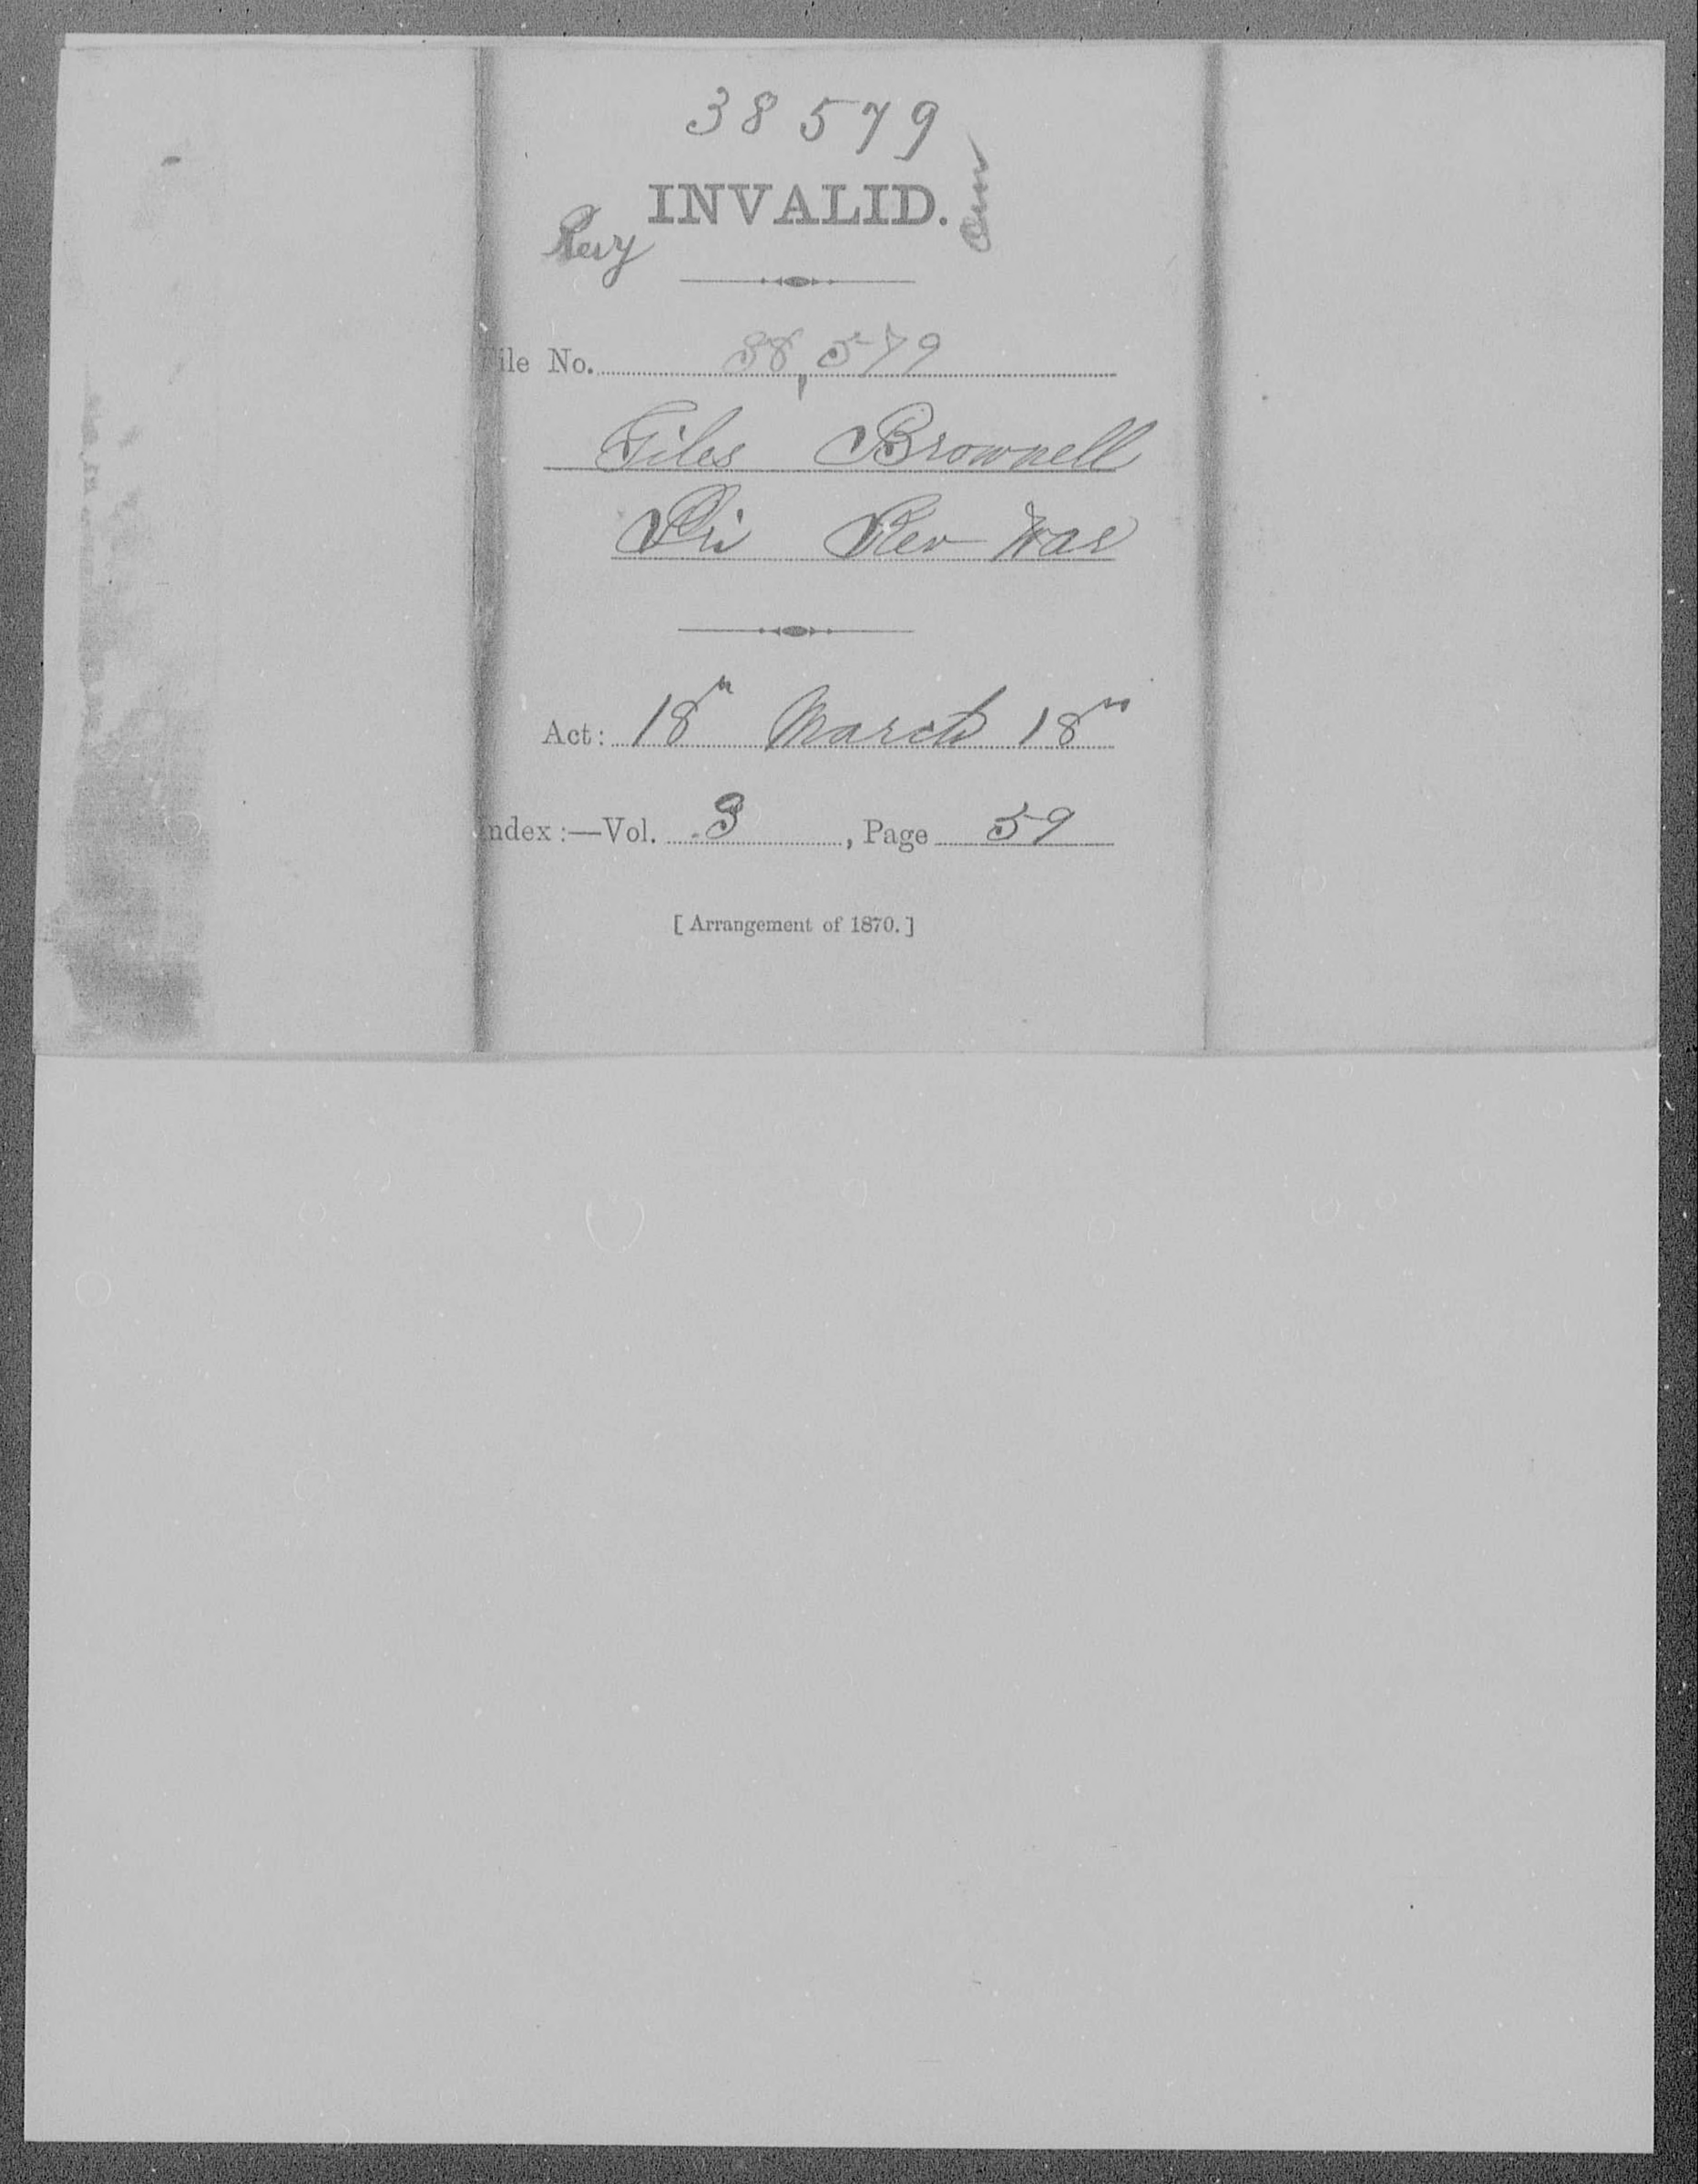38579
[stamped] INVALID.
[handwritten to the right of stamp vertically [illegible]
Resy
File No. 38,579
Giles Brownell
Pri Rev War
Act: 18^th March 18^20
Index: - Vol. 3, Page 59
[Arrangement of 1870.]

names: Giles Brownell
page: 12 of 12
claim: survivor's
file: S. 38579, Giles Brownell, Continental (R.I.) Navy